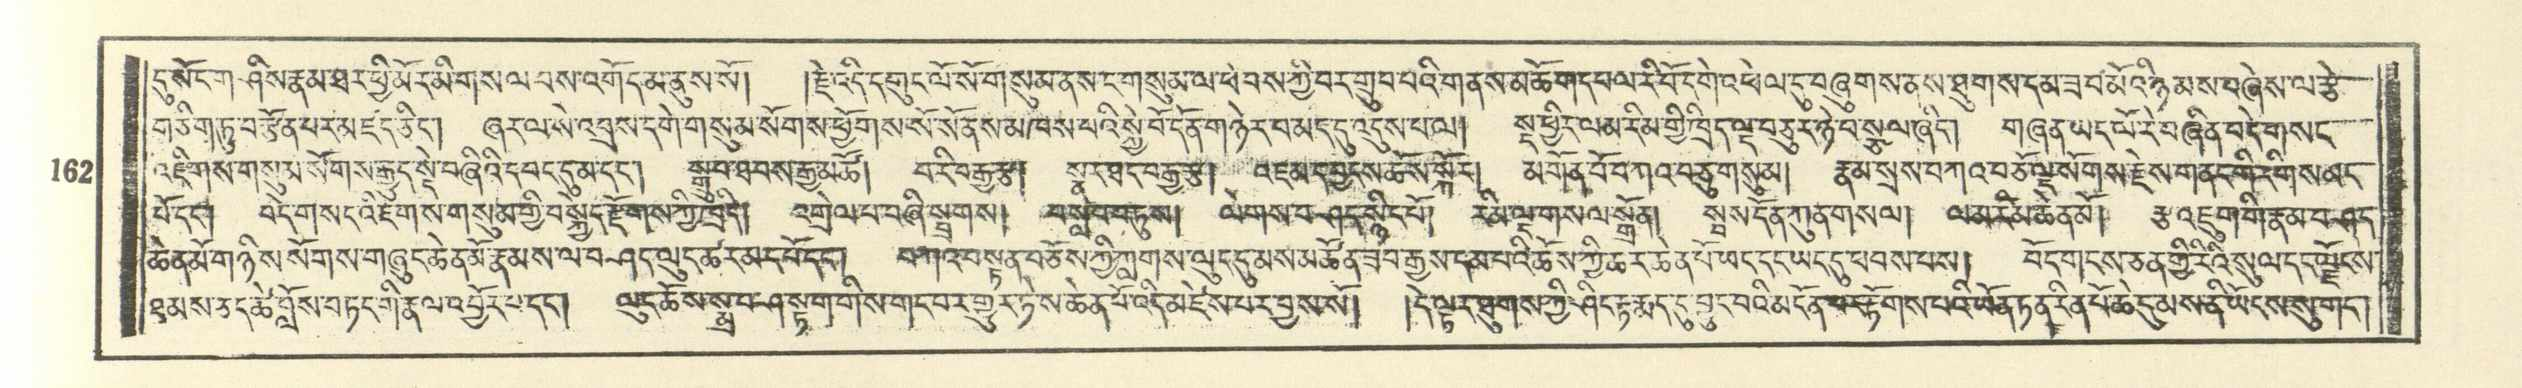དུ་སོང་གཤིས་རྣམ་ཐར་ཕྱི་མོར་མི་གསལ་བས་འགོད་མ་ནུས་སོ། །རྗེ་འདི་དགུང་ལོ་སོ་གསུམ་ནས་ང་གསུམ་ལ་ཕེབས་ཀྱི་བར་གྲུབ་པའི་གནས་མཆོག་དཔལ་རི་བོ་དགེ་འཕེལ་དུ་བཞུགས་ནས་ཐུགས་དམ་ཟབ་མོའི་ཉམས་བཞེས་ལ་རྩེ་
གཅིག་ཏུ་བརྩོན་པར་མཛད་ཅིང་། ཞར་ལ་སེ་འབྲས་དགེ་གསུམ་སོགས་ཕྱོགས་སོ་སོ་ནས་མཁས་པའི་སྐྱེ་བོ་དོན་གཉེར་བ་མང་དུ་འདུས་པ་ལ། སྔ་ཕྱིར་ལམ་རིམ་གྱི་ཁྲིད་ལྔ་བཅུར་ཉེ་བ་སྩལ་ཞིང་། གཞན་ཡང་ལོ་རེ་བཞིན་བདེ་གསང་
འཇིགས་གསུམ་སོགས་རྒྱུད་སྡེ་བཞིའི་དབང་དུ་མ་དང་། སྒྲུབ་ཐབས་རྒྱ་མཚོ། བ་རི་བརྒྱ་རྩ། སྣར་ཐང་བརྒྱ་རྩ། འཇམ་དབྱངས་ཆོས་སྐོར། མགོན་པོ་བཀའ་བཅུ་གསུམ། རྣམ་སྲས་བཀའ་བཅོ་ལྔ་སོགས་རྗེས་གནང་གི་རིགས་མང་
པོ་དང་། བདེ་གསང་འཇིགས་གསུམ་གྱི་བསྐྱེད་རྫོགས་ཀྱི་ཁྲིད། འགྲེལ་པ་བཞི་སྦྲགས། བསླབ་བཏུས། ལེགས་བཤད་སྙིང་པོ། རིམ་ལྔ་གསལ་སྒྲོན། སྤས་དོན་ཀུན་གསལ། ལམ་རིམ་ཆེན་མོ། རྩ་འཇུག་གི་རྣམ་བཤད་
ཆེན་མོ་གཉིས་སོགས་གཞུང་ཆེན་མོ་རྣམས་ལ་བཤད་ལུང་ཚར་མང་པོ་དང་། བཀའ་བསྟན་བཅོས་ཀྱི་ཀླགས་ལུང་དུ་མས་མཚོན་ཟབ་རྒྱས་དམ་པའི་ཆོས་ཀྱི་ཆར་ཆེན་པོ་ཡང་དང་ཡང་དུ་ཕབས་པས། བོད་གངས་ཅན་གྱི་རིའི་སུལ་དང་ལྗོངས་
ཐམས་ཅད་ཚེ་བློས་བཏང་གི་རྣལ་འབྱོར་བ་དང་། ལུང་ཆོས་སྨྲ་བ་ཤ་སྟག་གིས་གང་བར་གྱུར་ཏེ་ས་ཆེན་པོ་འདི་མཛེས་པར་བྱས་སོ། །དེ་ལྟར་ཐུགས་ཀྱི་ཤིང་རྟ་རྨད་དུ་བྱུང་བའི་མངོན་པར་རྟོགས་པའི་ཡོན་ཏན་རིན་པོ་ཆེ་དུ་མས་ནི་ཡོངས་སུ་གང་།